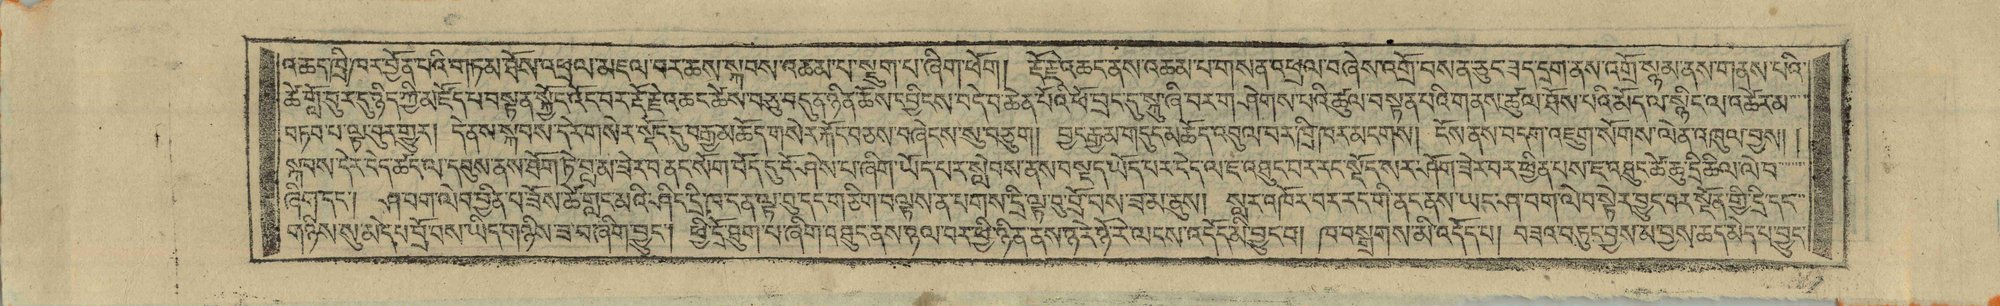འཆང་ཁྲི་ཁར་བྱོན་པའི་གཏམ་ཐོས་འཕྲལ་མཇལ་བར་ཆས་སྐབས་འཆམ་པ་སྡུག་པ་ཞིག་ཕོག །རྡོ་རྗེ་འཆང་ནས་འཆམ་པ་གསན་འཕྲལ་བཞེས་འགྲོ་བས་ན་ཅུང་ཟད་དྲག་ནས་འགྲོ་སྙམ་ནས་གནས་པའི་
ཚེ་གློ་བུར་དུ་ཉིད་ཀྱི་མཛོད་པ་བསྟན་སྐྱོང་འོང་བར་རྡོ་རྗེ་འཆང་ཚེས་བཅུ་བདུན་ཉིན་ཆོས་དབྱིངས་བདེ་བ་ཆེན་པོའི་ཕོ་བྲང་དུ་སྐུ་ཞི་བར་གཤེགས་པའི་ཚུལ་བསྟན་པའི་གནས་ཚུལ་ཐོས་པའི་མོད་ལ་སྙིང་ལ་འཚེར་མ་
བཏབ་པ་ལྟ་བུར་གྱུར། དེ་ནས་སྐབས་དེར་གསེར་སྡོང་དུ་བརྒྱ་མཆོད་གསེར་རྐོང་བཅས་བཞེངས་སུ་བཅུག །བྱང་རྒྱམ་གདུང་མཆོད་འབུལ་བར་ཁྲི་ཁར་མངགས། ངོས་ནས་བདག་འཇུག་སོགས་ལེན་འཁུལ་བྱས། །
སྐབས་དེར་ངེད་ཚང་ལ་དབུས་ནས་ཐོག་ཏེ་བླ་མ་ཟེར་བ་ནང་སོག་བོད་དུ་ངོ་ཤེས་པ་ཞིག་ཡོད་པར་སླེབས་ནས་བསྡད་ཡོད་པར་ངེད་ལ་ཇ་འཐུང་བར་རང་སྡོད་སར་ཤོག་ཟེར་བར་ཕྱིན་པས་ཇ་འཐུང་ཚེ་ཆུ་དྲི་ཆིལ་ལེ་བ་
ཞིག་དང་། ཤ་བག་ལེབ་བྱིན་པ་ཟོས་ཚེ་གླང་མའི་ཤིང་དྲི་ཁ་ངན་ལྟ་བུ་དང་གཅིག་བལྟས་ན་པགས་དྲི་ལྟ་བུ་བྲོ་བས་ཟ་མ་ནུས། སླར་འཁོར་བར་རང་གི་ནང་ནས་ཡང་ཤ་བག་ལེབ་སྟེར་བྱུང་བར་སྔོན་གྱི་དྲི་དང་
གཉིས་སུ་མེད་པ་བྲོ་བས་ཡིད་གཉིས་ཟ་བ་ཞིག་བྱུང་། ཕྱི་དྲོ་ཐུག་པ་ཞིག་འཐུང་ནས་ཉལ་བར་ཕྱི་ཉིན་ནས་ཉ་རེ་ཉོ་རེ་ལངས་འདོད་མི་བྱུང་བ། ཁ་བསྒྲགས་མི་འདོད་པ། བཟའ་བཏུང་བྱས་མ་བྱས་ཆད་མེད་པ་བྱུང་